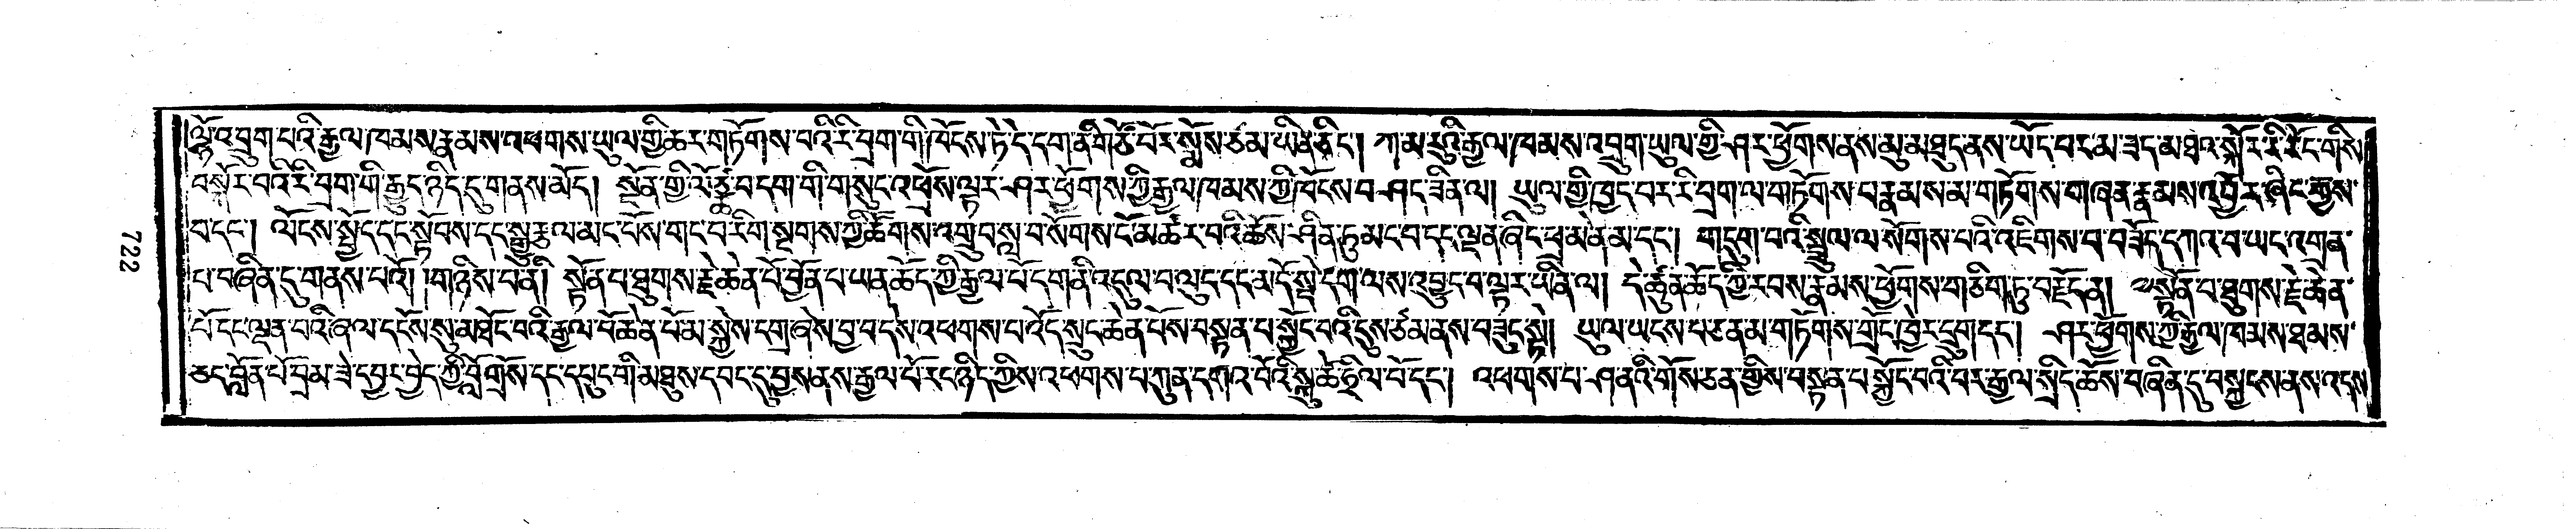ལྷོ་འབྲུག་པའི་རྒྱལ་ཁམས་རྣམས་འཕགས་ཡུལ་གྱི་ཆར་གཏོགས་པའི་རི་བྲག་གི་ཁོངས་ཏེ་དེ་དག་ནི་གཙོ་བོར་སྨོས་ཙམ་ཡིན་ཅིང་། ཀ་མ་རུའི་རྒྱལ་ཁམས་འབྲུག་ཡུལ་གྱི་ཤར་ཕྱོགས་ནས་མུ་མཐུད་ནས་ཡོད་པར་མ་ཟད་མཐའ་སྐོར་རི་རོང་གིས་
བསྐོར་བའི་རི་བྲག་གི་རྒྱུད་ཉིད་དུ་གནས་མོད། སྔོན་གྱི་ལོཙྪ་བདག་གི་གསུང་འཕྲོས་ལྟར་ཤར་ཕྱོགས་ཀྱི་རྒྱལ་ཁམས་ཀྱི་ཁོངས་བཤད་ཟིན་ལ། ཡུལ་གྱི་ཁྱད་པར་རི་བྲག་ལ་གཏོགས་པ་རྣམས་མ་གཏོགས་གཞན་རྣམས་འབྱོར་ཞིང་རྒྱས་
བ་དང་། ལོངས་སྤྱོད་དང་སྟོབས་དང་སྒྱུ་རྩལ་མང་པོས་གང་བ་རིག་སྔགས་ཀྱི་ཚོགས་འགྲུབ་སླ་བ་སོགས་ངོ་མཚར་བའི་ཆོས་ཤིན་ཏུ་མང་བ་དང་ལྡན་ཞིང་ཕྲ་མེ་ན་མ་དང་། གདུག་བའི་སྦྲུལ་ལ་སོགས་པའི་འཇིགས་བ་བཟོད་དཀའ་བ་ཡང་འགྲན་
པ་བཞིན་དུ་གནས་པའོ། །གཉིས་པ་ནི། སྟོན་པ་ཐུགས་རྗེ་ཆེན་པོ་བྱོན་པ་ཡན་ཆོད་ཀྱི་རྒྱལ་པོ་དག་ནི་འདུལ་བ་ལུང་དང་མདོ་སྡེ་དག་ལས་འབྱུང་བ་ལྟར་ཡིན་ལ། དེ་ཚུན་ཆོད་ཀྱི་རབས་རྣམས་ཕྱོགས་གཅིག་ཏུ་བརྗོད་ན། ༧་སྟོན་པ་ཐུགས་རྗེ་ཆེན་
པོ་དང་ལྡན་པའི་ཞལ་དངོས་སུ་མཐོང་བའི་རྒྱལ་པོ་ཆེན་པོ་མ་སྐྱེས་དགྲ་ཞེས་བྱ་བ་དེས་འཕགས་པ་འོད་སྲུང་ཆེན་པོས་བསྟན་པ་སྐྱོང་བའི་དུས་ཙམ་ནས་བཟུང་སྟེ། ཡུལ་ཡངས་པ་ཅན་མ་གཏོགས་གྲོང་ཁྱེར་དྲུག་དང་། ཤར་ཕྱོགས་ཀྱི་རྒྱལ་ཁམས་ཐམས་
ཅད་བློན་པོ་བྲམ་ཟེ་དབྱར་བྱེད་ཀྱི་བློ་གྲོས་དང་དཔུང་གི་མཐུས་དབང་དུ་བྱས་ནས་རྒྱལ་པོ་རང་ཉིད་ཀྱིས་འཕགས་པ་ཀུན་དགའ་བོའི་སྐུ་ཚེ་ཧྲིལ་པོ་དང་། འཕགས་པ་ཤ་ནའི་གོས་ཅན་གྱིས་བསྟན་པ་སྐྱོང་བའི་བར་རྒྱལ་སྲིད་ཆོས་བཞིན་དུ་བསྐྱངས་ནས་འདས་